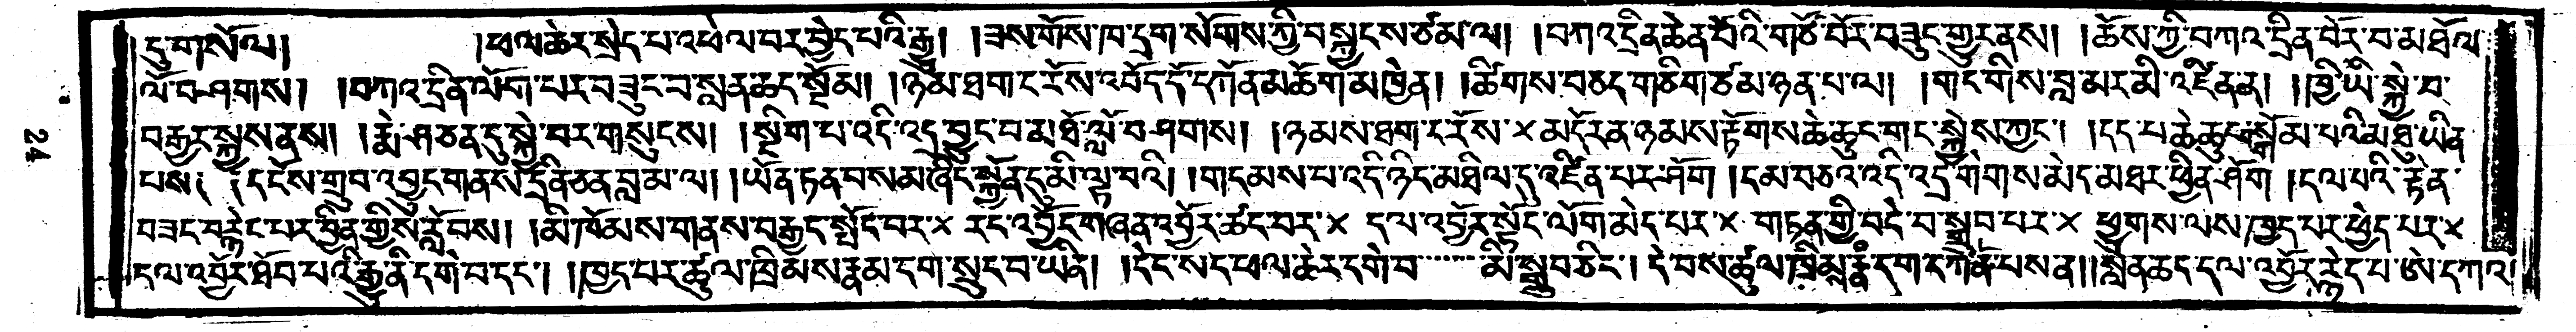དུ་གསོལ། །ཕལ་ཆེར་སྲེད་པ་འཕེལ་བར་བྱེད་པའི་རྒྱུ། །ཟས་གོས་ཁ་དྲག་སོགས་ཀྱི་བསྐྱངས་ཙམ་ལ། །བཀའ་དྲིན་ཆེན་བོའི་གཙོ་བོར་བཟུང་གྱུར་ནས། །ཆོས་ཀྱི་བཀའ་དྲིན་བོར་བ་མཐོལ་
ལོ་བཤགས། །བཀའ་དྲིན་ལོག་པར་བཟུང་བ་སླན་ཆད་སྡོམ། །ཉམ་ཐག་ང་རོས་འབོད་དོ་དཀོན་མཆོག་མཁྱེན། །ཚིགས་བཅད་གཅིག་ཙམ་ཉན་པ་ལ། །གང་གིས་བླ་མར་མི་འཛིན་ན། །ཁྱི་ཡི་སྐྱེ་བ་
བརྒྱར་སྐྱས་ནས། །རྨེ་ཤ་ཅན་དུ་སྐྱེ་བར་གསུངས། །སྡིག་པ་འདི་འདྲ་བྱུང་བ་མཐོལ་ལོ་བཤགས། །ཉམས་ཐག་ང་རོས་྾་མདོར་ན་ཉམས་རྟོགས་ཆེ་ཆུང་གང་སྐྱེས་ཀྱང་། །དད་པ་ཆེ་ཆུང་བསྒོམ་པའི་མཐུ་ཡིན་
པས༑ ༑དངོས་གྲུབ་འབྱུང་གནས་དྲིན་ཅན་བླ་མ་ལ། །ཡོན་ཏན་བསམ་ཞིང་སྐྱོན་དུ་མི་ལྟ་བའི། །གདམས་པ་འདི་ཉིད་མཐིལ་དུ་འཛིན་པར་ཤོག །དམ་བཅའ་འདི་འདྲ་གེགས་མེད་མཐར་ཕྱིན་ཤོག །དལ་པའི་རྟེན་
བཟང་བརྙེད་པར་བྱིན་གྱིས་རློབས། །མི་ཁོམས་གནས་བརྒྱད་སྤོང་བར་྾་རང་འབྱོང་གཞན་འབྱོར་ཚང་བར་྾་དལ་འབྱོར་སྟོང་ལོག་མེད་པར་྾་གཏན་གྱི་བདེ་བ་སྒྲུབ་པར་྾་ཕྱུགས་ལས་ཁྱད་པར་ཕྱེད་པར་྾་
དལ་འབྱོར་ཐོབ་པའི་རྒྱུ་ནི་དགེ་བ་དང་། །ཁྱད་པར་ཚུལ་ཁྲིམས་རྣམ་དག་སྲུང་བ་ཡིན། །དེང་སད་ཕལ་ཆེར་དགེ་བ་མི་སྒྲུབ་ཅིང་། དེ་བས་ཚུལ་ཁྲིམས་རྣམ་དག་དཀོན་པས་ན། །སླན་ཆད་དལ་འབྱོར་རྙེད་པ་ཨེ་དཀའ་